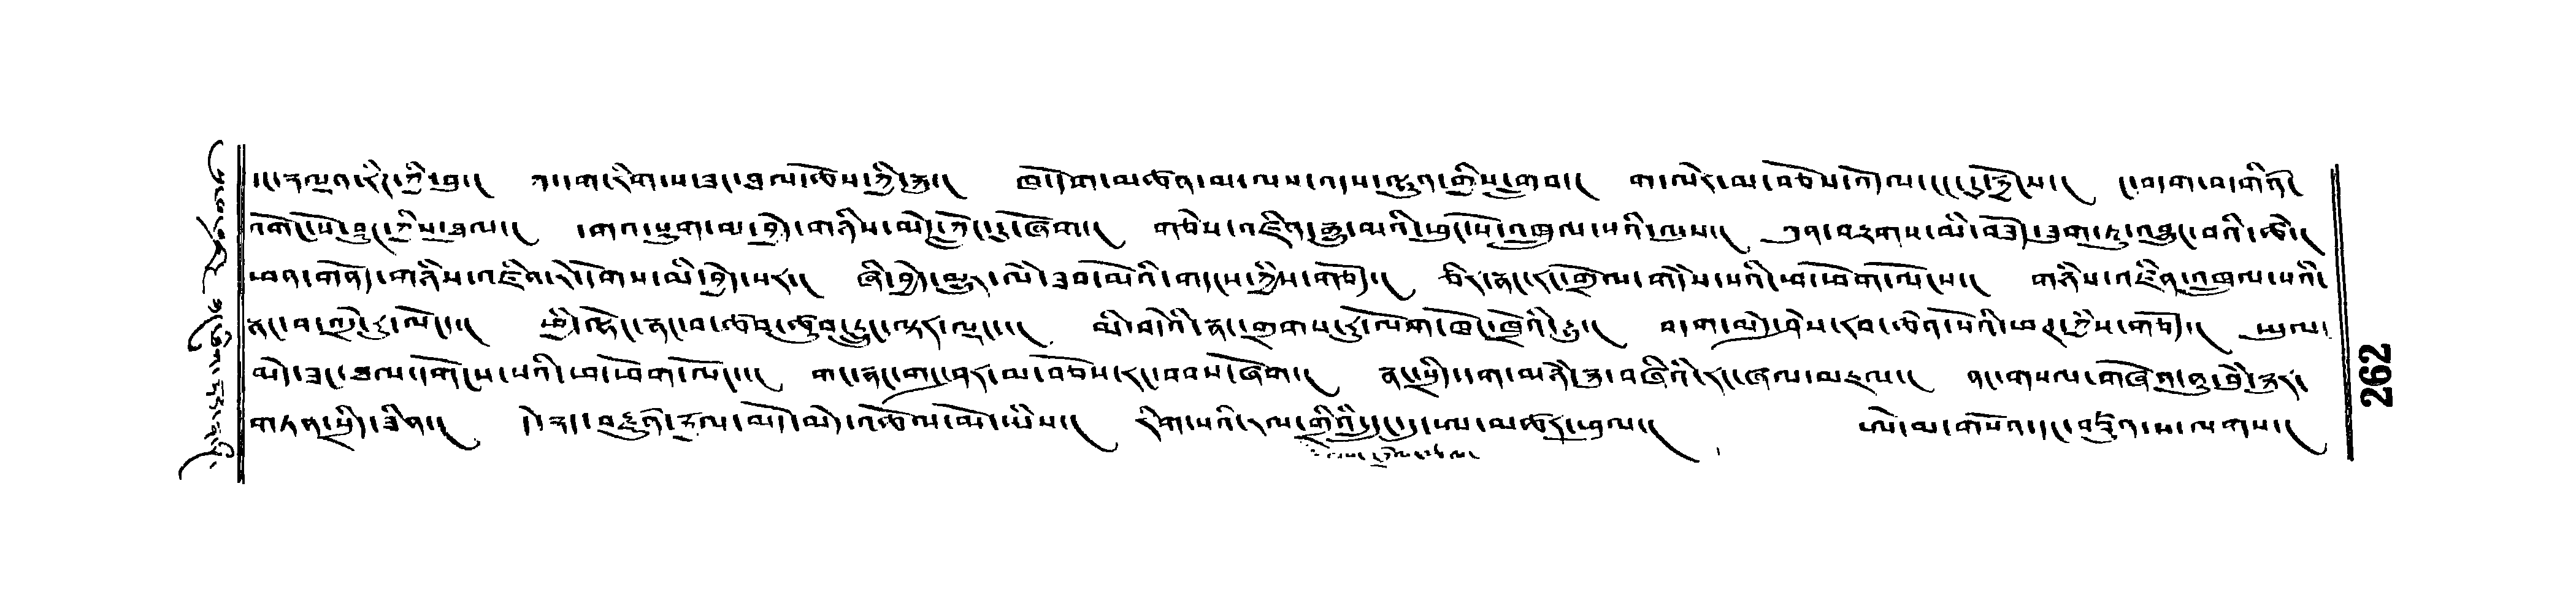དང་སྐལ་ལྡན་རིགས་ཀྱི་བུ། །ཀ་དག་རིག་པ་ཟང་ཐལ་ཆོས་ཀྱི་སྐུ། ཁ་དོག་མཚན་མ་ལས་འདས་ལྷུན་གྱིས་གྲུབ། །ག་ལེར་མ་བཅོས་འོད་གསལ་ངང་དུ་སྐྱོངས། །ང་བདག་བདག་འཛིན་
འགོང་པོ་ཤུགས་ཀྱིས་ཐུལ། །དགའ་སྡུག་མ་བྱེད་གཉིས་མེད་ཀློང་དུ་ཞོག །གཅེས་འཛིན་སྒྱུ་མའི་ཕུང་པོ་འཁྲུལ་པའི་ལུས། །ཀུན་བརྟགས་མི་བཟོད་ཟུག་ཏུ་འབྱུང་བའི་ཚེ། །
ཕན་གནོད་གཉིས་འཛིན་རེ་དོགས་མི་བྱེད་པར། །ཞི་བྱེད་མྱུར་ལམ་ཟབ་མོའི་གདངས་ཀྱིས་གཅོད། །ཅིར་སྣང་རང་གྲོལ་གདམས་པའི་ཕ་ཕོག་ལོངས། །གཉིས་འཛིན་འཁྲུལ་པའི་
སྣང་བ་འདྲེ་རུ་ལངས། །ཕྱི་ལྷོང་སྣང་བ་ཚབ་ཚུབ་རླུང་ལྟར་ལྡང་། །མི་བདེའི་སྣང་གྲགས་རུ་ལོག་ཁོང་ཁྲོའི་རྒྱུ། །བདག་མེད་ཤེས་རབ་ཆེན་པོའི་ཕཊ་ཀྱིས་གཅོད། ཡུལ་
མེད་ཟང་ཐལ་དགོངས་པའི་ཕ་ཕོག་ལོངས། །གང་སྣང་གང་ཤར་མ་བཅོས་རང་བབས་ཞོག །སྣང་སྲིད་དག་མཉམ་སྐུ་བཞིའི་རང་ཞལ་མཇལ། །ནང་གསལ་གཞོན་ནུ་བུམ་སྐུར་
གཏན་སྲིད་ཟིན། །དེ་སྐད་བརྫུན་རྐྱལ་མདོ་མེད་འཆོལ་མོ་ཡིས། །རིག་པའི་རལ་གྲིའི་དྲུང་དུ་ཨ་མཚར་ཕུལ།། ཨེ་མ་གསོན་དང་བཙུན་པ་ལགས།